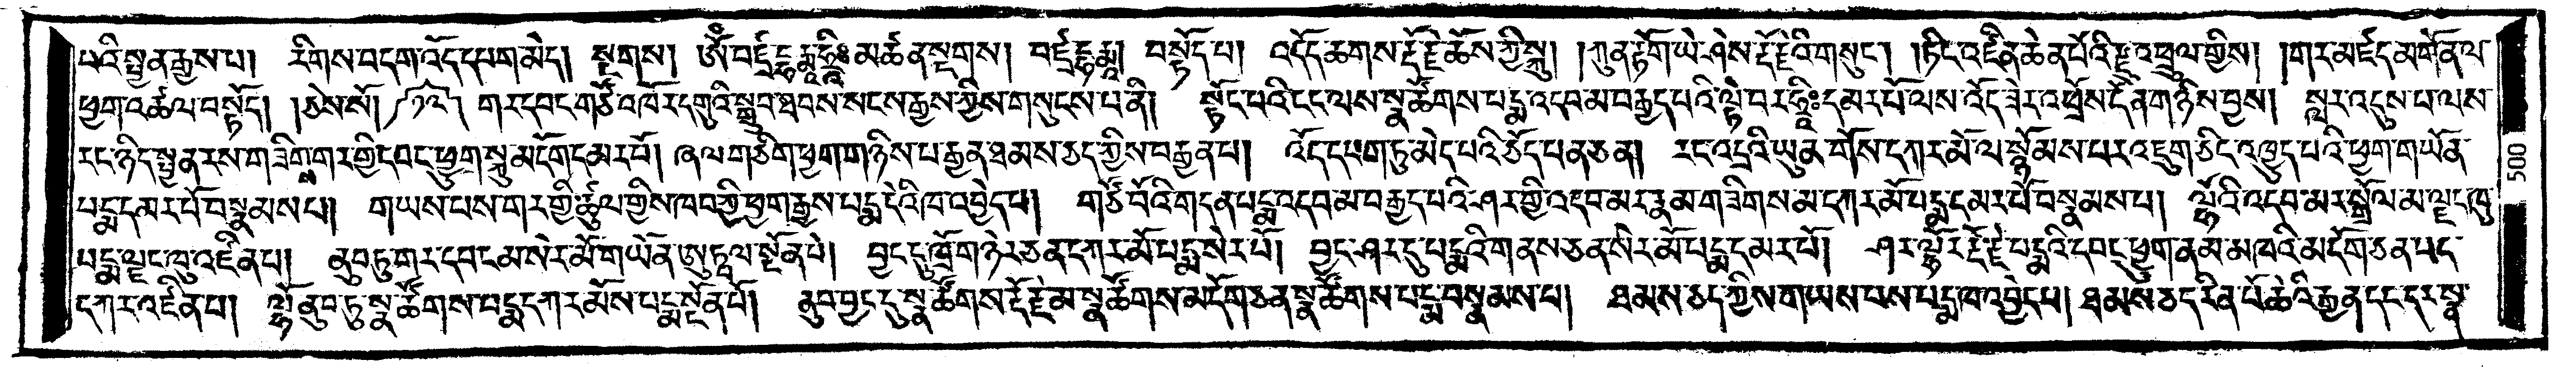པའི་སྤྱན་རྒྱས་པ། རིགས་བདག་འོད་དཔག་མེད། སྔགས། ཨོཾ་བཛྲ་དྷརྨཱ་དྷྲཱིཿ མཚན་སྔགས། བཛྲདྷརྨཱ། བསྟོད་པ། འདོད་ཆགས་རྡོ་རྗེ་ཆོས་ཀྱི་སྐུ། །ཀུན་རྟོག་ཡེ་ཤེས་རྡོ་རྗེའི་གསུང་། །ཏིང་འཛིན་ཆེན་པོའི་རྫུ་འཕྲུལ་གྱིས། །གར་མཛད་མགོན་ལ་
ཕྱག་འཚལ་བསྟོད། །ཅེས་སོ། ༡༢?་གར་དབང་གཙོ་འཁོར་དགུའི་སྒྲུབ་ཐབས་སངས་རྒྱས་ཀྱིས་གསུངས་པ་ནི། སྟོང་པའི་ངང་ལས་སྣ་ཚོགས་པདམ་འདབ་མ་བརྒྱད་པའི་ལྟེ་བར་ཧྲཱིཿདམར་པོ་ལས་འོད་ཟེར་འཕྲོས་དོན་གཉིས་བྱས། སླར་འདུས་པ་ལས་
རང་ཉིད་སྤྱན་རས་གཟིགས་གར་གྱི་དབང་ཕྱུག་སྐུ་མདོག་དམར་པོ། ཞལ་གཅིག་ཕྱག་གཉིས་པ་རྒྱན་ཐམས་ཅད་ཀྱིས་བརྒྱན་པ། འོད་དཔག་ཏུ་མེད་པའི་ཅོད་པན་ཅན། རང་འདྲའི་ཡུམ་གོས་དཀར་མོ་ལ་སྙོམས་པར་འཇུག་ཅིང་འཁྱུད་པའི་ཕྱག་གཡོན་
པདམ་དམར་པོ་བསྣམས་པ། གཡས་པས་གར་གྱི་ཚུལ་གྱིས་ཁབ་ཀྱི་ཕྱག་རྒྱས་པདམ་དེའི་ཁ་འབྱེད་པ། གཙོ་བོའི་གདན་པདམ་འདབ་མ་བརྒྱད་པའི་ཤར་གི་འདབ་མར་རྣམ་གཟིགས་མ་དཀར་མོ་པདམ་དམར་པོ་བསྣམས་པ། ལྷོའི་འདབ་མར་སྒྲོལ་མ་ལྗང་ཁུ་
པདམ་ལྗང་ཁུ་འཛིན་པ། ནུབ་ཏུ་གར་དབང་མ་སེར་མོ་གཡོན་ཨུཏྤལ་སྔོན་པོ། བྱང་དུ་ཁྲོ་གཉེར་ཅན་དཀར་མོ་པདམ་སེར་པོ། བྱང་ཤར་དུ་པདམའི་གནས་ཅན་སེར་མོ་པདམ་དམར་པོ། ཤར་ལྷོར་རྡོ་རྗེ་པདམའི་དབང་ཕྱུག་ནམ་མཁའི་མདོག་ཅན་པད་
དཀར་འཛིན་པ། ལྷོ་ནུབ་ཏུ་སྣ་ཚོགས་པདམ་དཀར་མོས་པདམ་སྔོན་པོ། ནུབ་བྱང་དུ་སྣ་ཚོགས་རྡོ་རྗེ་མ་སྣ་ཚོགས་མདོག་ཅན་སྣ་ཚོགས་པདམ་བསྣམས་པ། ཐམས་ཅད་ཀྱིས་གཡས་པས་པདམ་ཁ་འབྱེད་པ། ཐམས་ཅད་རིན་པོ་ཆེའི་རྒྱན་དང་དར་སྣ་